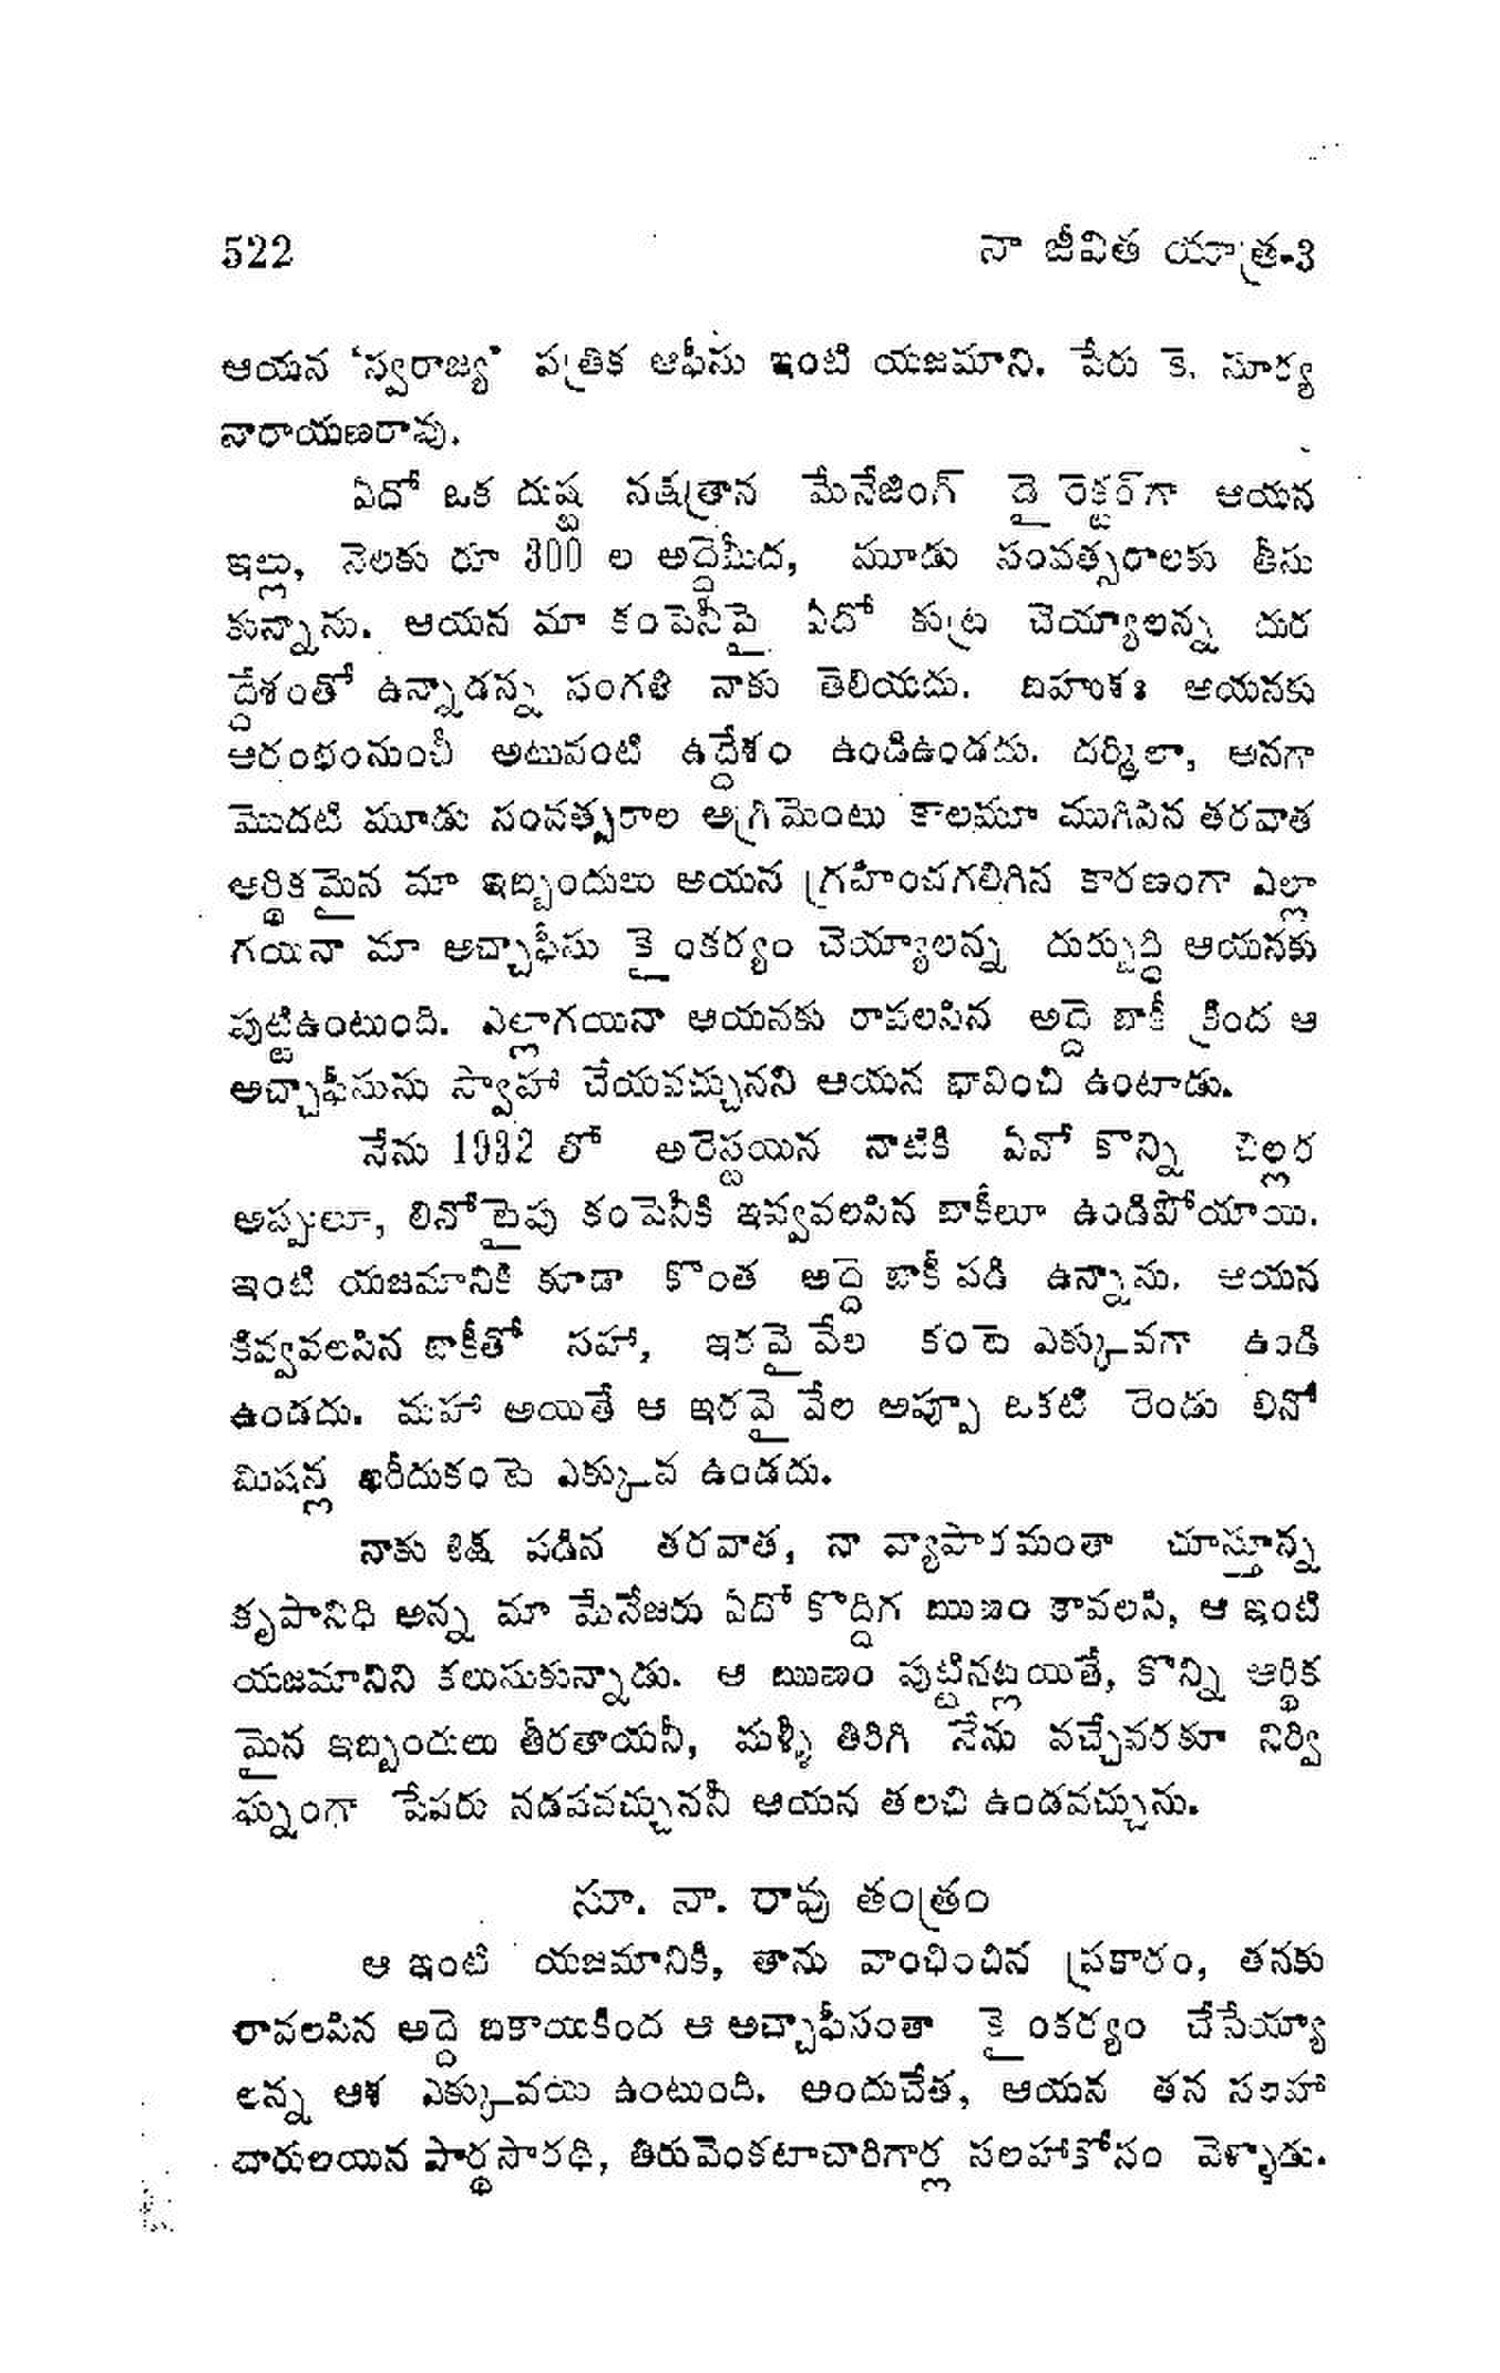ఆయన 'స్వరాజ్య' పత్రిక ఆఫీసు ఇంటి యజమాని. పేరు కె. సూర్యనారాయణరావు.

ఏదో ఒక దుష్ట నక్షత్రాన మేనేజింగ్ డైరెక్టర్‌గా ఆయన ఇల్లు, నెలకు రూ 300 ల అద్దెమీద, మూడు సంవత్సరాలకు తీసుకున్నాను. ఆయన మా కంపెనీపై ఏదో కుట్ర చెయ్యాలన్న దురద్దేశంతో ఉన్నాడన్న సంగతి నాకు తెలియదు. బహుశ: ఆయనకు ఆరంభంనుంచీ అటువంటి ఉద్దేశం ఉండి ఉండదు. దర్మిలా, అనగా మొదటి మూడు సంవత్సరాల అగ్రిమెంటు కాలమూ ముగిసిన తరవాత ఆర్థికమైన మా ఇబ్బందులు ఆయన గ్రహించ గలిగిన కారణంగా ఎల్లాగయినా మా అచ్చాఫీసు కైంకర్యం చెయ్యాలన్న దుర్బుద్ధి ఆయనకు పుట్టి ఉంటుంది. ఎల్లాగయినా ఆయనకు రావలసిన అద్దె బాకీ క్రింద ఆ అచ్చాఫీసును స్వాహా చేయవచ్చునని ఆయన భావించి ఉంటాడు.

నేను 1932 లో అరెస్టయిన నాటికి ఏవో కొన్ని చిల్లర అప్పులూ, లినోటైపు కంపెనీకి ఇవ్వవలసిన బాకీలూ ఉండి పోయాయి. ఇంటి యజమానికి కూడా కొంత అద్దె బాకీ పడి ఉన్నాను. ఆయన కివ్వవలసిన బాకీతో సహా, ఇరవై వేల కంటె ఎక్కువగా ఉండి ఉండదు. మహా అయితే ఆ ఇరవై వేల అప్పూ ఒకటి రెండు లినోమిషన్ల ఖరీదుకంటె ఎక్కువ ఉండదు.

నాకు శిక్ష పడిన తరవాత, నా వ్యాపారమంతా చూస్తున్న కృపానిధి అన్న మా మేనేజరు ఏదో కొద్దిగ ఋణం కావలసి, ఆ ఇంటి యజమానిని కలుసుకున్నాడు. ఆ ఋణం పుట్టి నట్లయితే, కొన్ని ఆర్థికమైన ఇబ్బందులు తీరతాయనీ, మళ్ళీ తిరిగి నేను వచ్చేవరకూ నిర్విఘ్నంగా పేపరు నడపవచ్చుననీ ఆయన తలచి ఉండవచ్చును.

ఆ ఇంటి యజమానికి, తాను వాంఛించిన ప్రకారం, తనకు రావలసిన అద్దె బకాయి కింద ఆ అచ్చాఫీసంతా కైంకర్యం చేసేయాలన్న ఆశ ఎక్కువయి ఉంటుంది. అందుచేత, ఆయన తన సలహాదారులయిన పార్థసారథి, తిరువెంకటాచారిగార్ల సలహాకోసం వెళ్ళాడు.